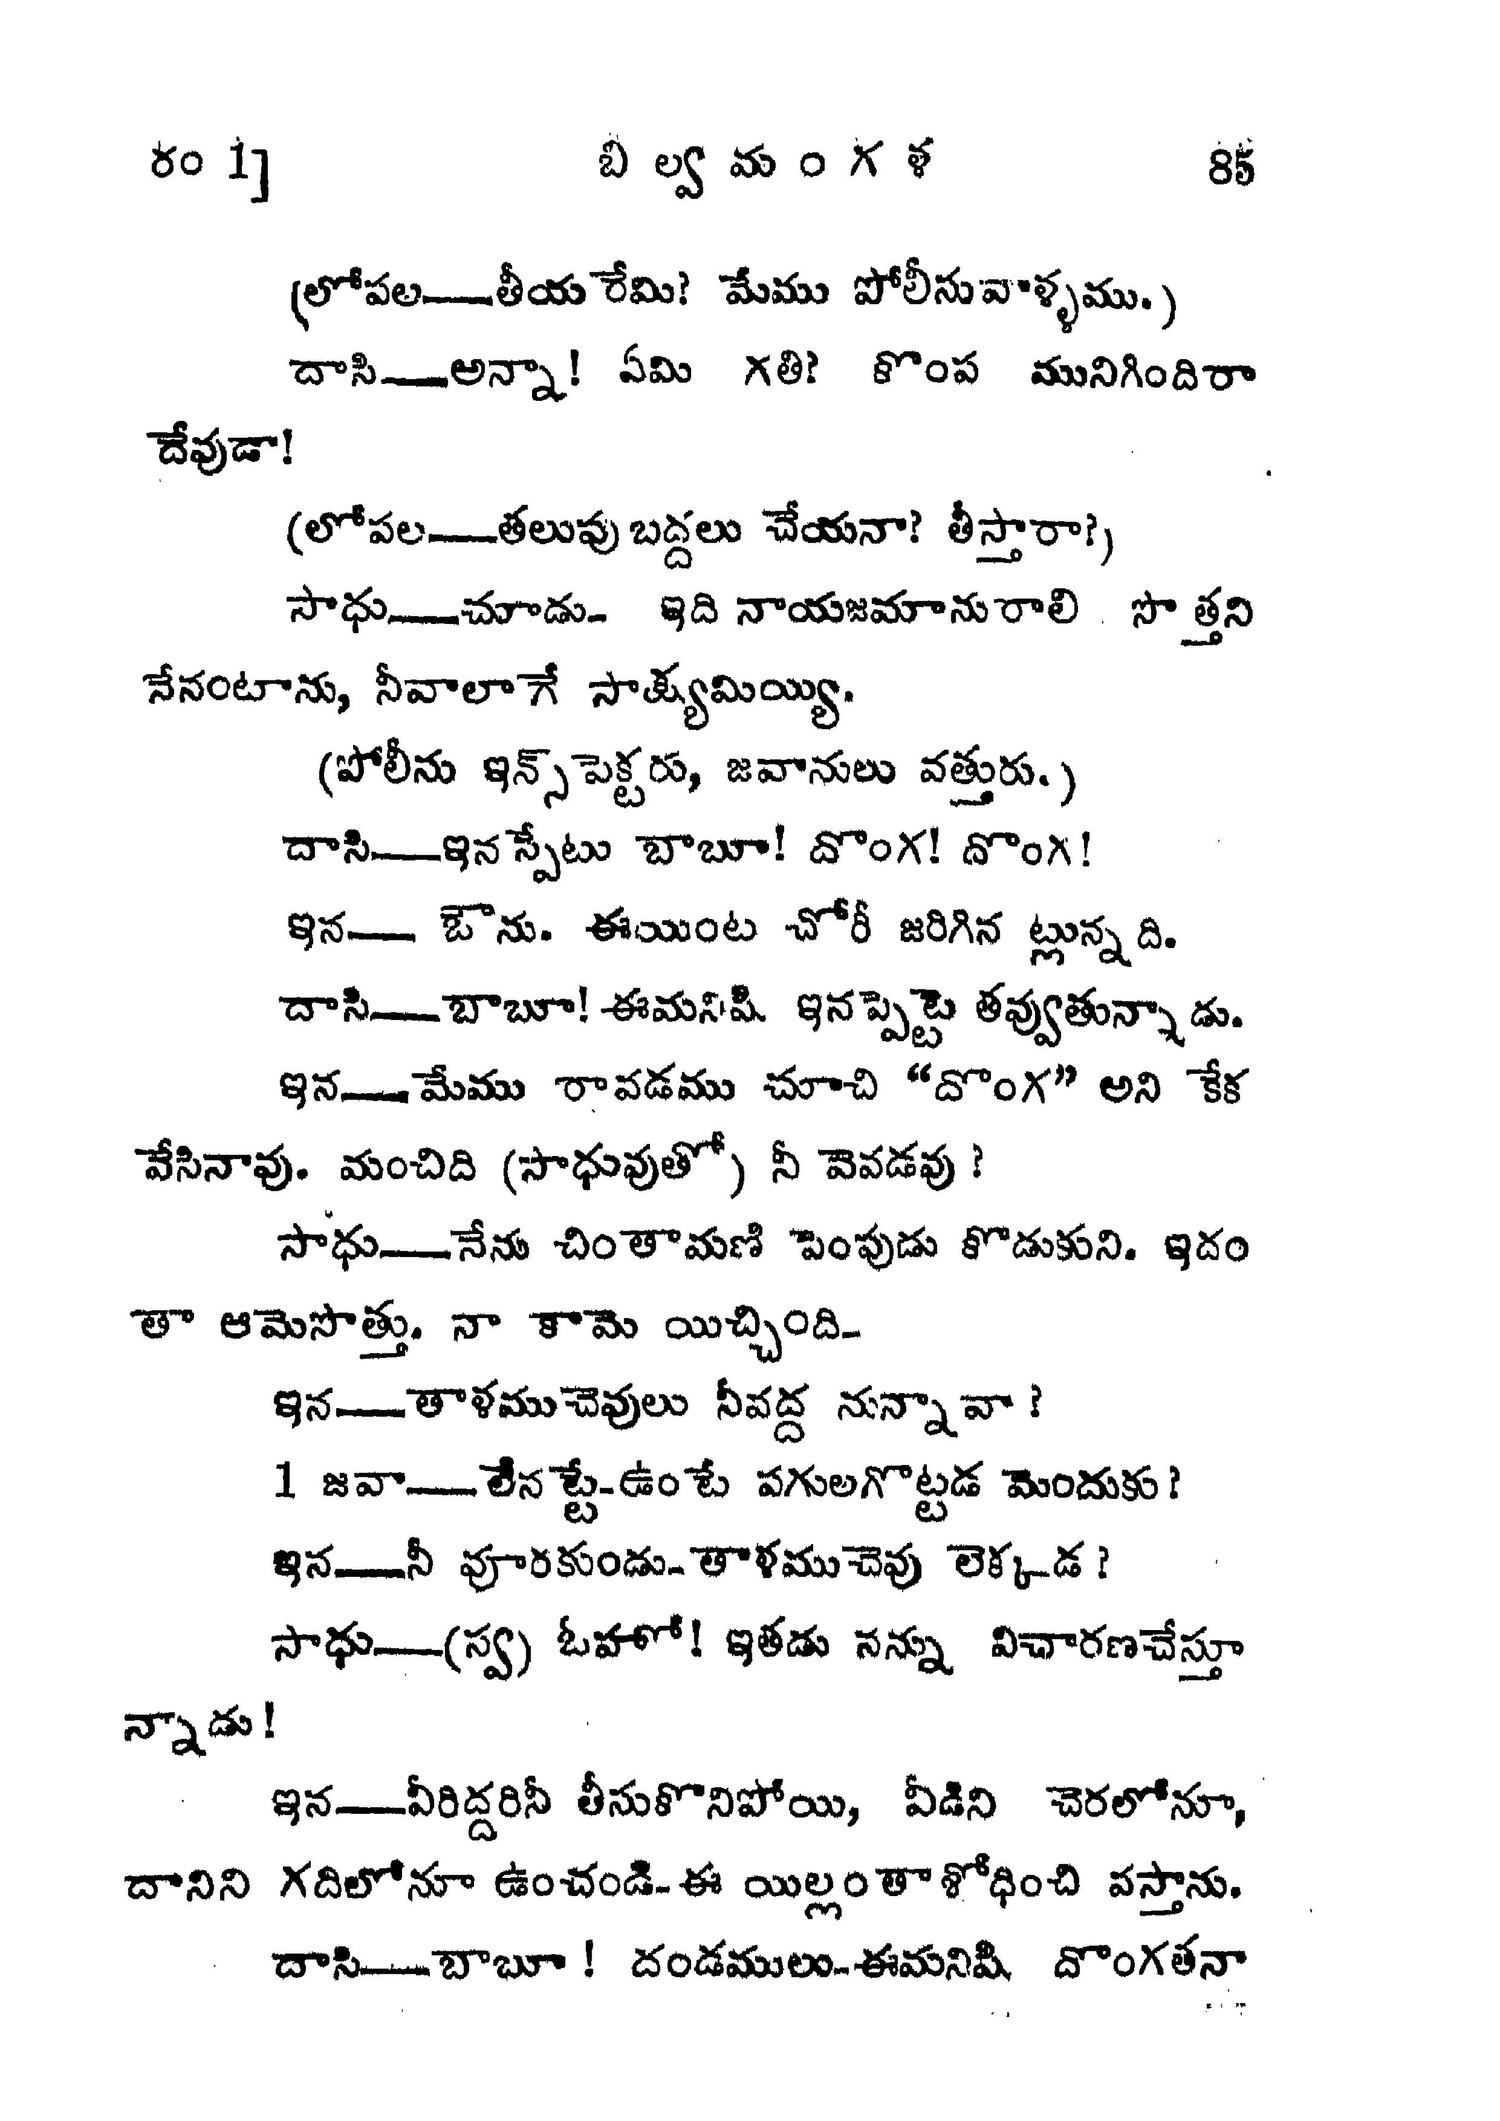(లోపల - తీయరేమి? మేము పోలీసువాళ్ళము)

దాసి - అన్నా! ఏమి గతి? కొంప మునిగిందిరా దేవుడా!

(లోపల - తలుపు బద్దలు చేయనా? తీస్తారా?)

సాధు - చూడు - ఇది నాయజమానురాలి సొత్తని నేనంటాను, నీవాలాగే సాక్ష్యమియ్యి.

దాసి - ఇనస్పేటు బాబూ! దొంగ! దొంగ!

ఇన - ఔను. ఈయింట చోరీ జరిగిన ట్లున్నది.

దాసి - బాబూ! ఈమనిషి. ఇనప్పెట్టె తవ్వుతున్నాడు.

ఇన - మేము రావడము చూచి "దొంగ" అని కేక వేసినావు. మంచిది (సాధువుతో) నీ వెవడవు!

సాధు - నేను చింతామణి పెంపుడు కొడుకుని. ఇదంతా ఆమెసొత్తు. నా కామె యిచ్చింది.

ఇన - తాళముచెవులు నీవద్ద నున్నావా?

1 జవా - లేనట్టే-ఉంటే పగులగొట్టడ మెందుకు?

ఇన - నీ వూరకుండు. తాళముచెవు లెక్కడ?

సాధు - (స్వ) ఓహో! ఇతడు నన్ను విచారణచేస్తూన్నాడు!

ఇన - వీరిద్దరినీ తీసుకొనిపోయి, వీడిని చెరలోనూ, దానిని గదిలోని ఉంచండి-ఈ యిల్లంతాశోధించి వస్తాను.

దాసి - బాబూ! దండములు-ఈమనిషి దొంగతనా